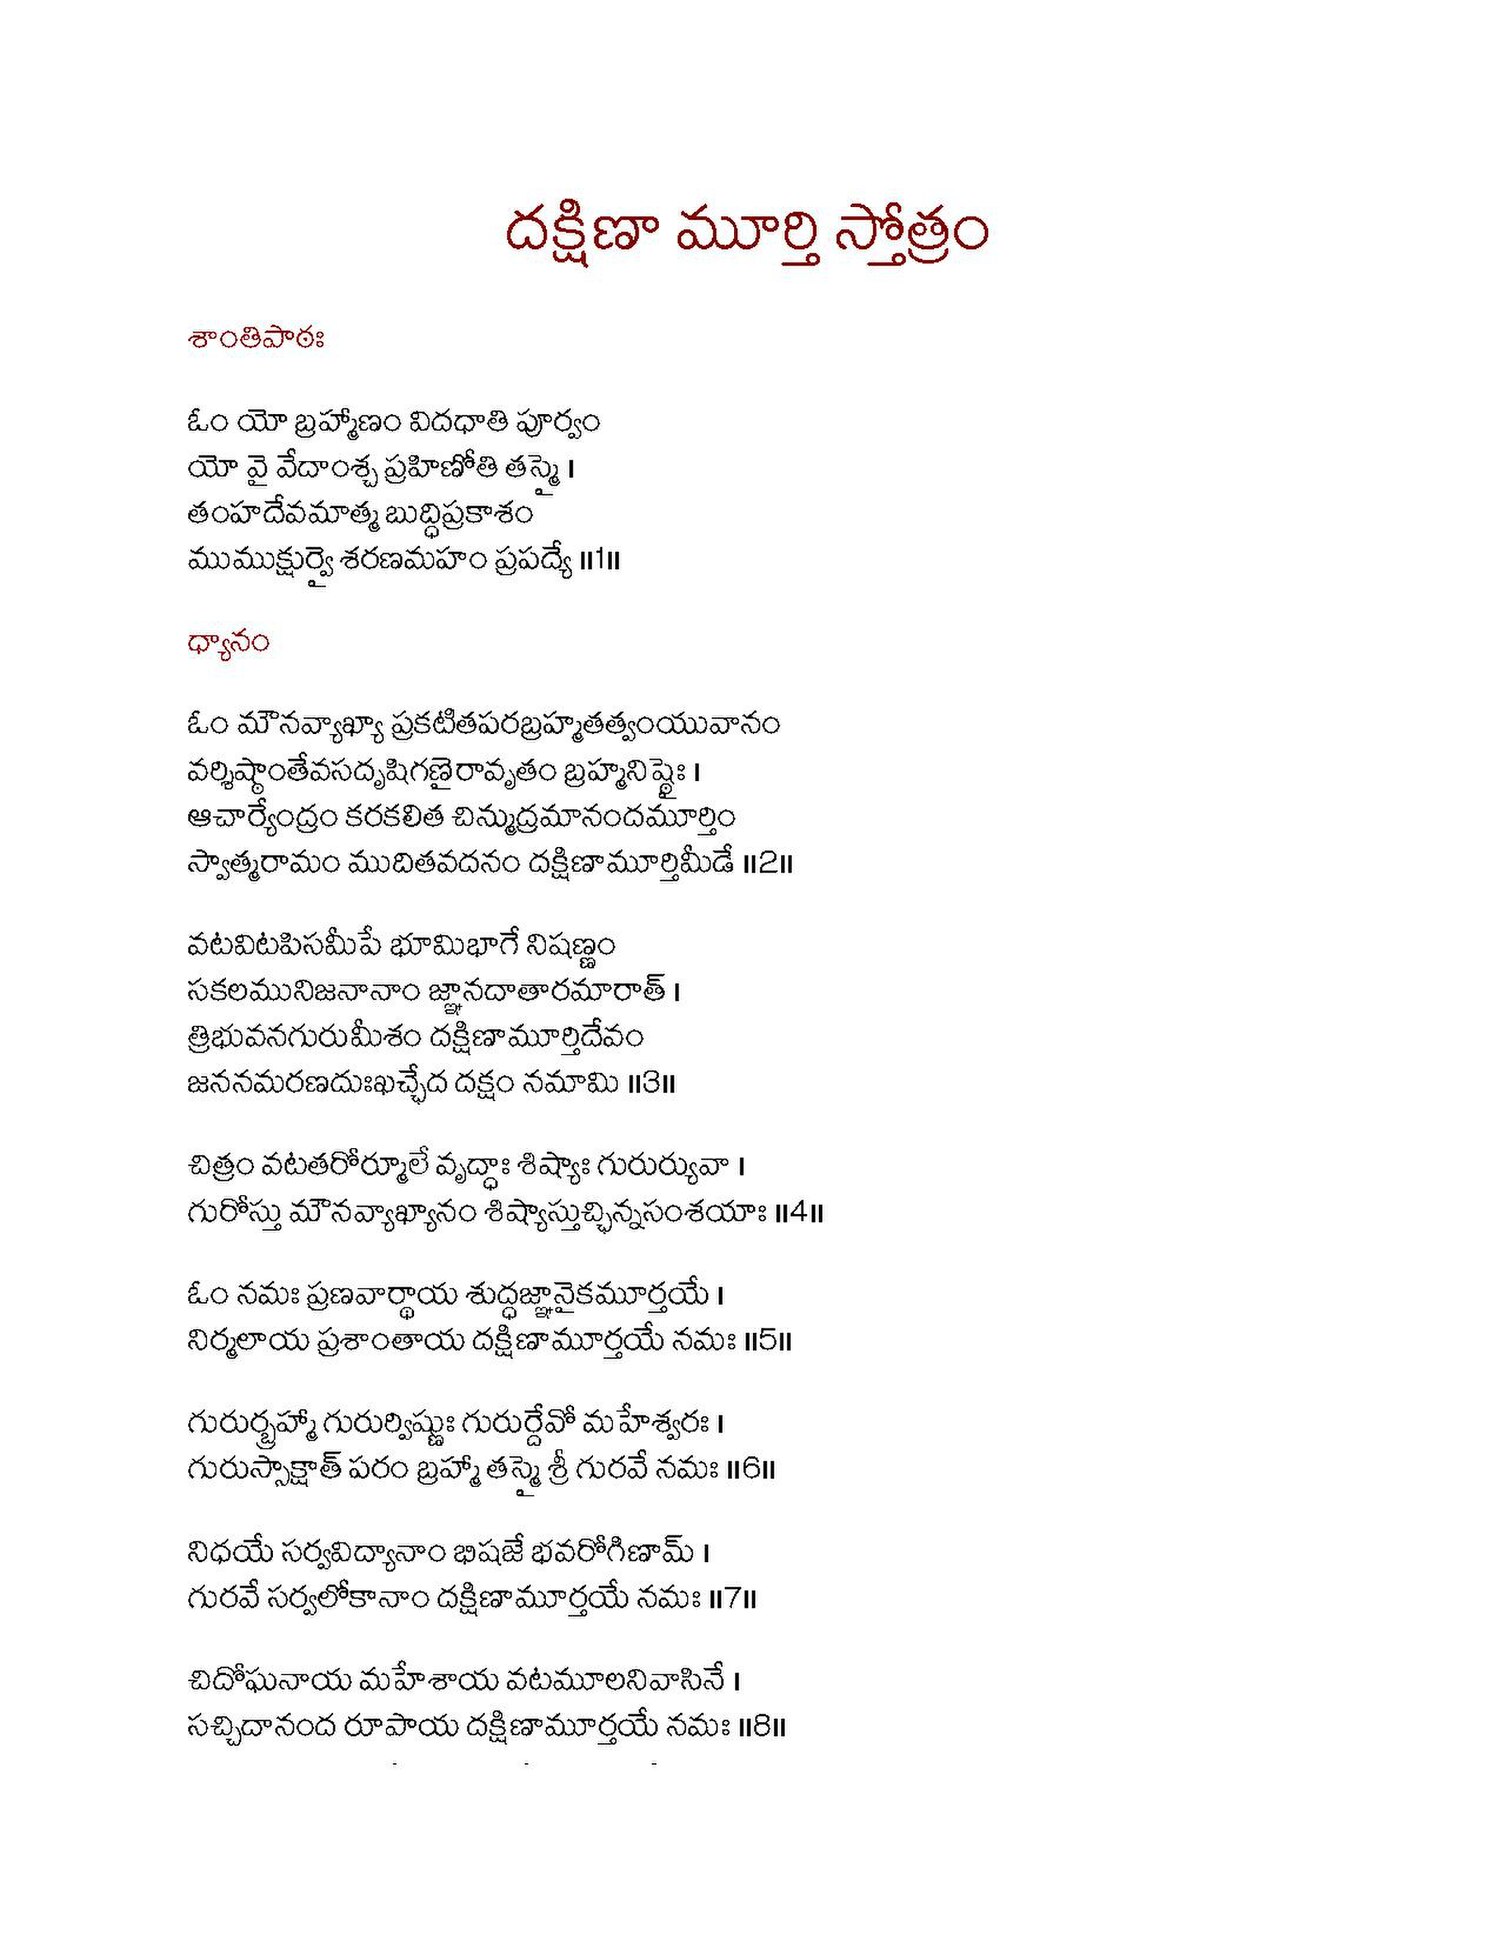ఓం యో బ్రహ్మాణం విదధాతి పూర్వం
యో వై వేదాంశ్చ ప్రహిణోతి తస్మై |
తంహదేవమాత్మ బుద్ధిప్రకాశం
ముముక్షుర్వైశరణమహం ప్రపద్యే ||1||

ఓం మౌనవ్యాఖ్యా ప్రకటితపరబ్రహ్మతత్వంయువానం
వర్శిష్ఠాంతేవసదృషిగణైరావృతం బ్రహ్మనిష్ఠైః |
ఆచార్యేంద్రం కరకలిత చిన్ముద్రమానందమూర్తిం
స్వాత్మరామం ముదితవదనం దక్షిణామూర్తిమీడే ||2||

వటవిటపి సమీపే భూమిభాగే నిషణ్ణం
సకలమునిజనానాం జ్ఞానదాతారమారాత్ |
త్రిభువనగురుమీశం దక్షిణామూర్తిదేవం
జననమరణదుఃఖచ్ఛేద దక్షం నమామి ||3||

చిత్రం వటతరోర్మూలే వృద్ధాః శిష్యాః గురుర్యువా |
గురోస్తు మౌనవ్యాఖ్యానం శిష్యాస్తుచ్ఛిన్నసంశయాః ||4||

ఓం నమః ప్రణవార్థాయ శుద్ధజ్ఞానైకమూర్తయే |
నిర్మలాయ ప్రశాంతాయ దక్షిణామూర్తయే నమః ||5||

గురుర్బహ్మా గురుర్విష్ణుః గురుర్దేవో మహేశ్వరః |
గురుస్సాక్షాత్ పరం బ్రహ్మా తస్మై శ్రీ గురవే నమః ||6||

నిధయే సర్వవిద్యానాం భిషజే భవరోగిణామ్ |
గురవే సర్వలోకానాం దక్షిణామూర్తయే నమః || 7 ||

చిదోఘనాయ మహేశాయ వటమూలనివాసినే |
సచ్చిదానంద రూపాయ దక్షిణామూర్తయే నమః ||8||